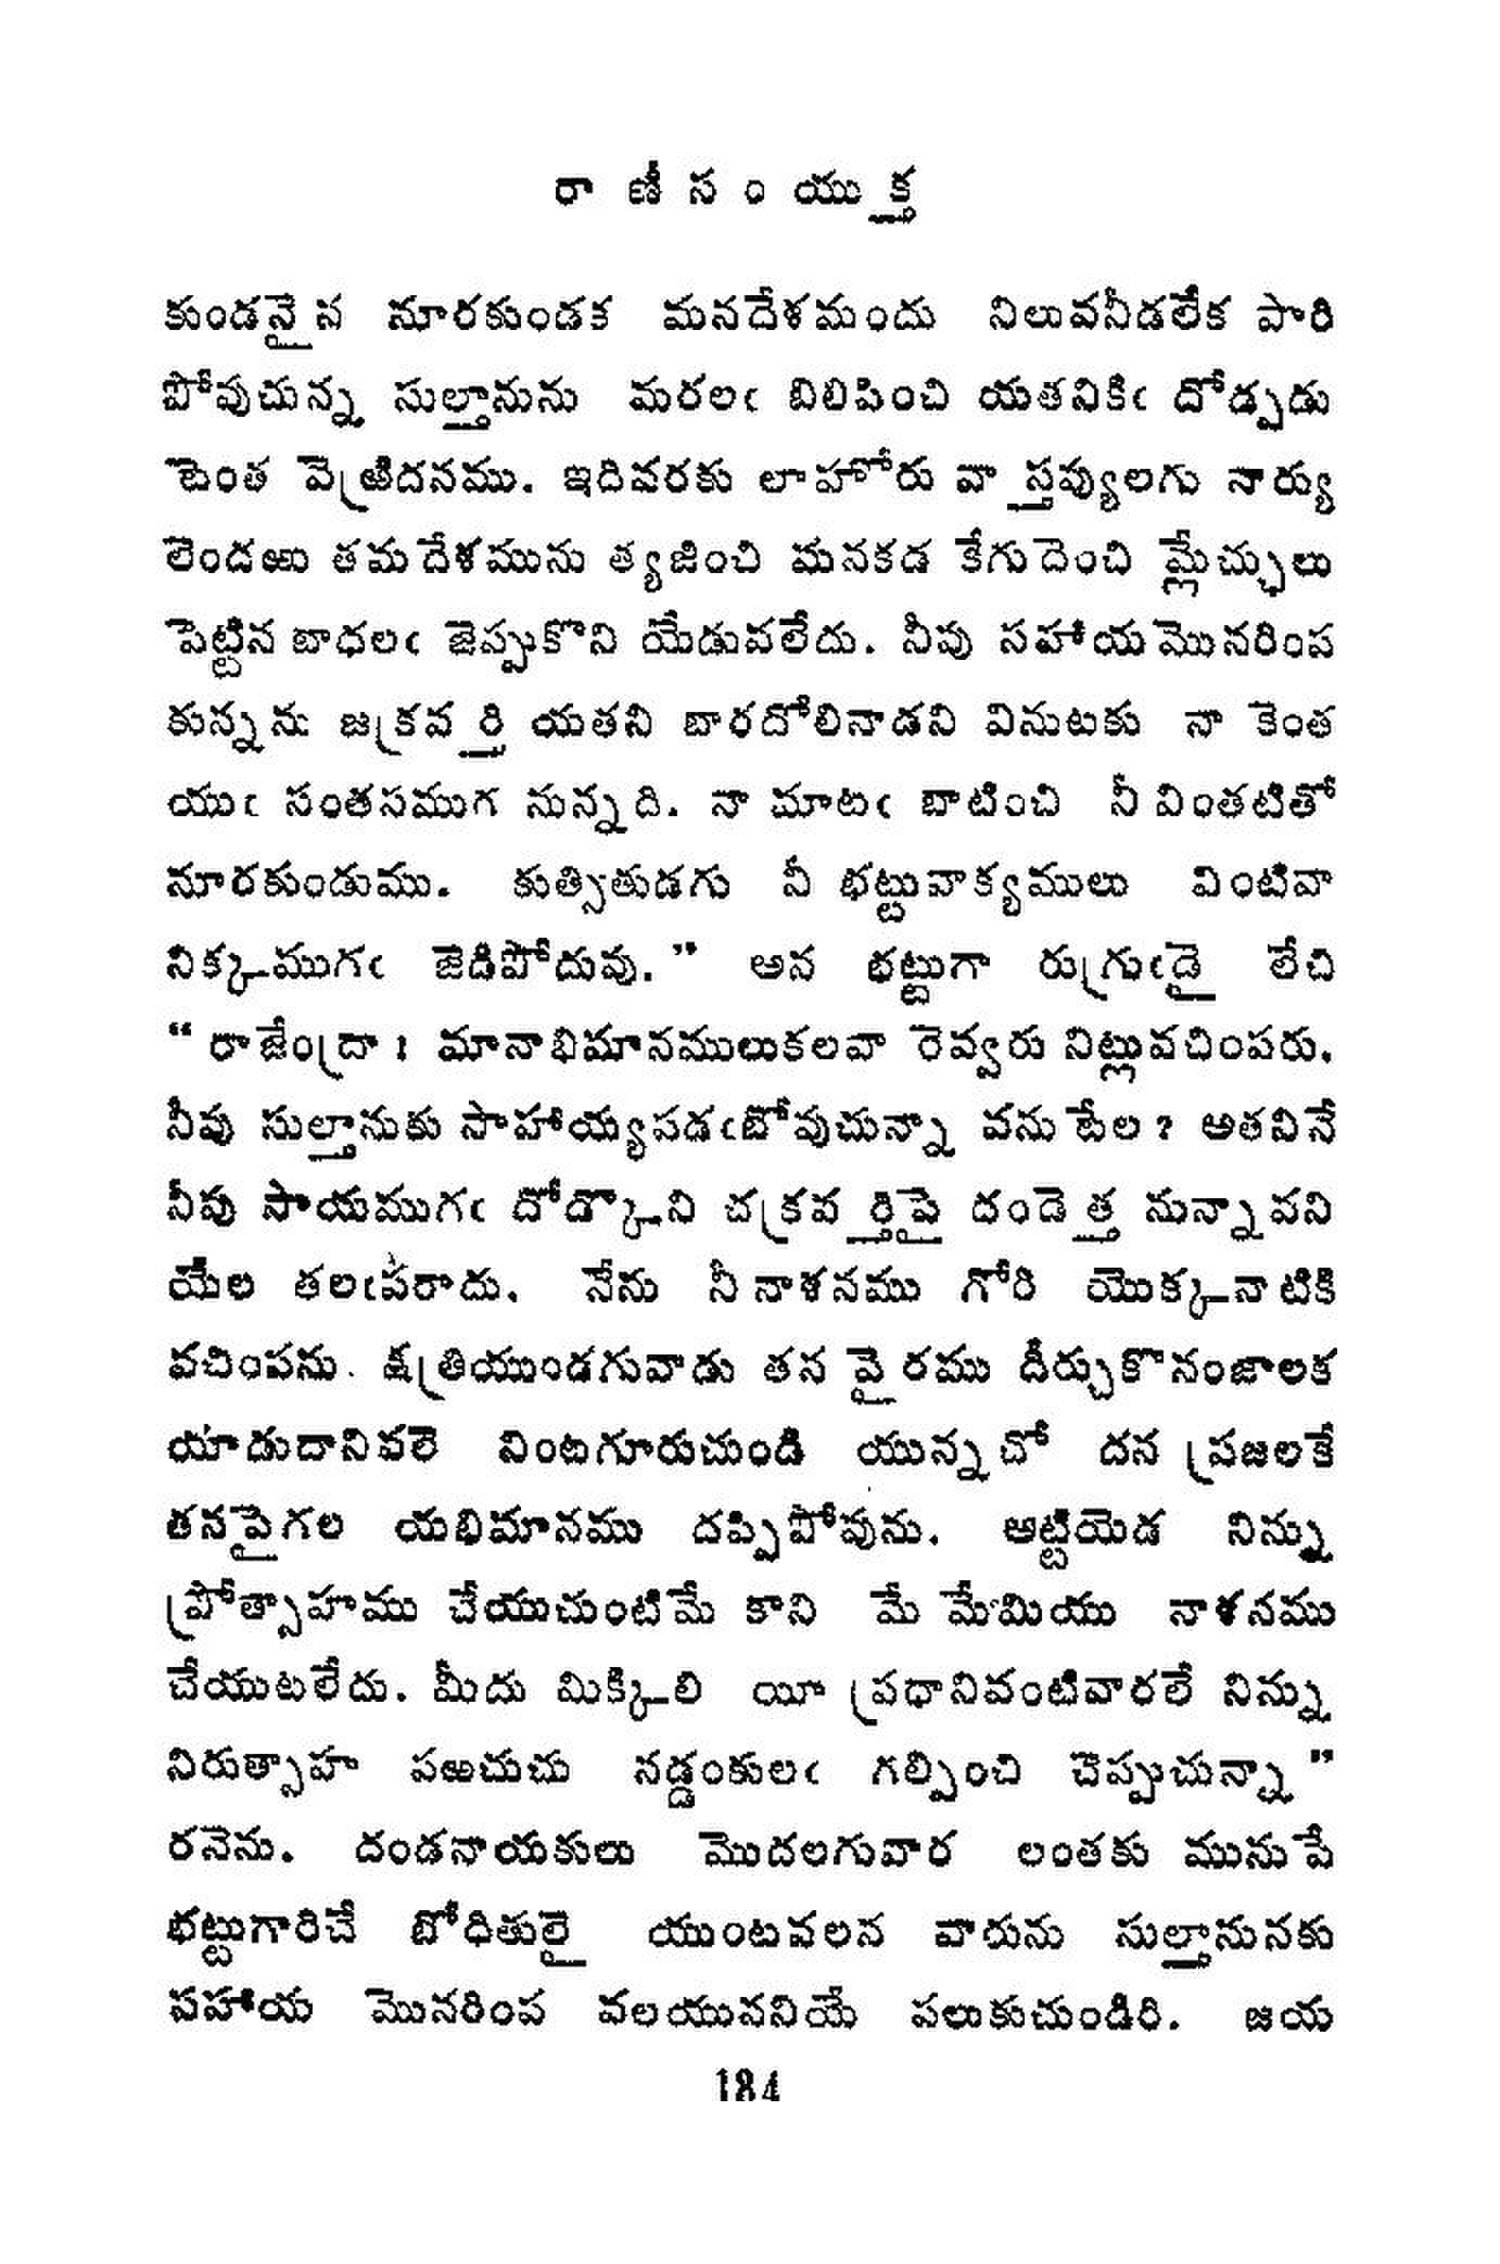కుండనైన నూరకుండక మనదేశమందు నిలువనీడలేక పారిపోవుచున్న సుల్తానును మరలఁ బిలిపించి యతనికిఁ దోడ్పడుటెంత వెఱ్రిదనము. ఇదివరకు లాహోరు వాస్తవ్యులగు నార్యు లెందఱు తమదేశమును త్యజించి మనకడ కేగుదెంచి మ్లేచ్చులు పెట్టిన బాధలఁ జెప్పుకొని యేడువలేదు. నీవు సహాయమొనరింపకున్నను జక్రవర్తి యతని బారదోలినాడని వినుటకు నా కెంతయుఁ సంతసముగ నున్నది. నా మాటఁ బాటించి నీ వింతటితో నూరకుండుము. కుత్సితుడగు నీ భట్టువాక్యములు వింటివా నిక్కముగఁ జెడిపోదువు. " అన భట్టుగా రుగ్రుఁడై లేచి “రాజేంద్రా ! మానాభిమానములుకలవా రెవ్వరు నిట్లువచింపరు, నీవు సుల్తానుకు సాహాయ్యపడఁబోవుచున్నా వసుటేల ? అతనినే నీవు సాయముగఁ దోడ్కొని చక్రవర్తిపై దండెత్త నున్నావని యేల తలఁపరాదు, నేను నీ నాశనము గోరి యొక్కనాటికి వచింపను. క్షత్రియుండగువాడు తన వైరము దీర్చుకొనంజాలక యాడుదానివలె నింట గూరుచుండి యున్నచో దన ప్రజలకే తనపైగల యభిమానము దప్పిపోవును. అట్టియెడ నిన్ను ప్రోత్సాహము చేయుచుంటిమే కాని మే మేమియు నాశనము చేయుటలేదు. మీదు మిక్కిలి యీ ప్రధానివంటివారలే నిన్ను నిరుత్సాహ పఱచుచు నడ్డంకులఁ గల్పించి చెప్పుచున్నా " రనెను. దండనాయకులు మొదలగువార లంతకు మునుపే భట్టుగారిచే బోధితులై యుంటవలన వారును సుల్తానునకు సహాయ మొనరింప వలయుననియే పలుకుచుండిరి. జయ